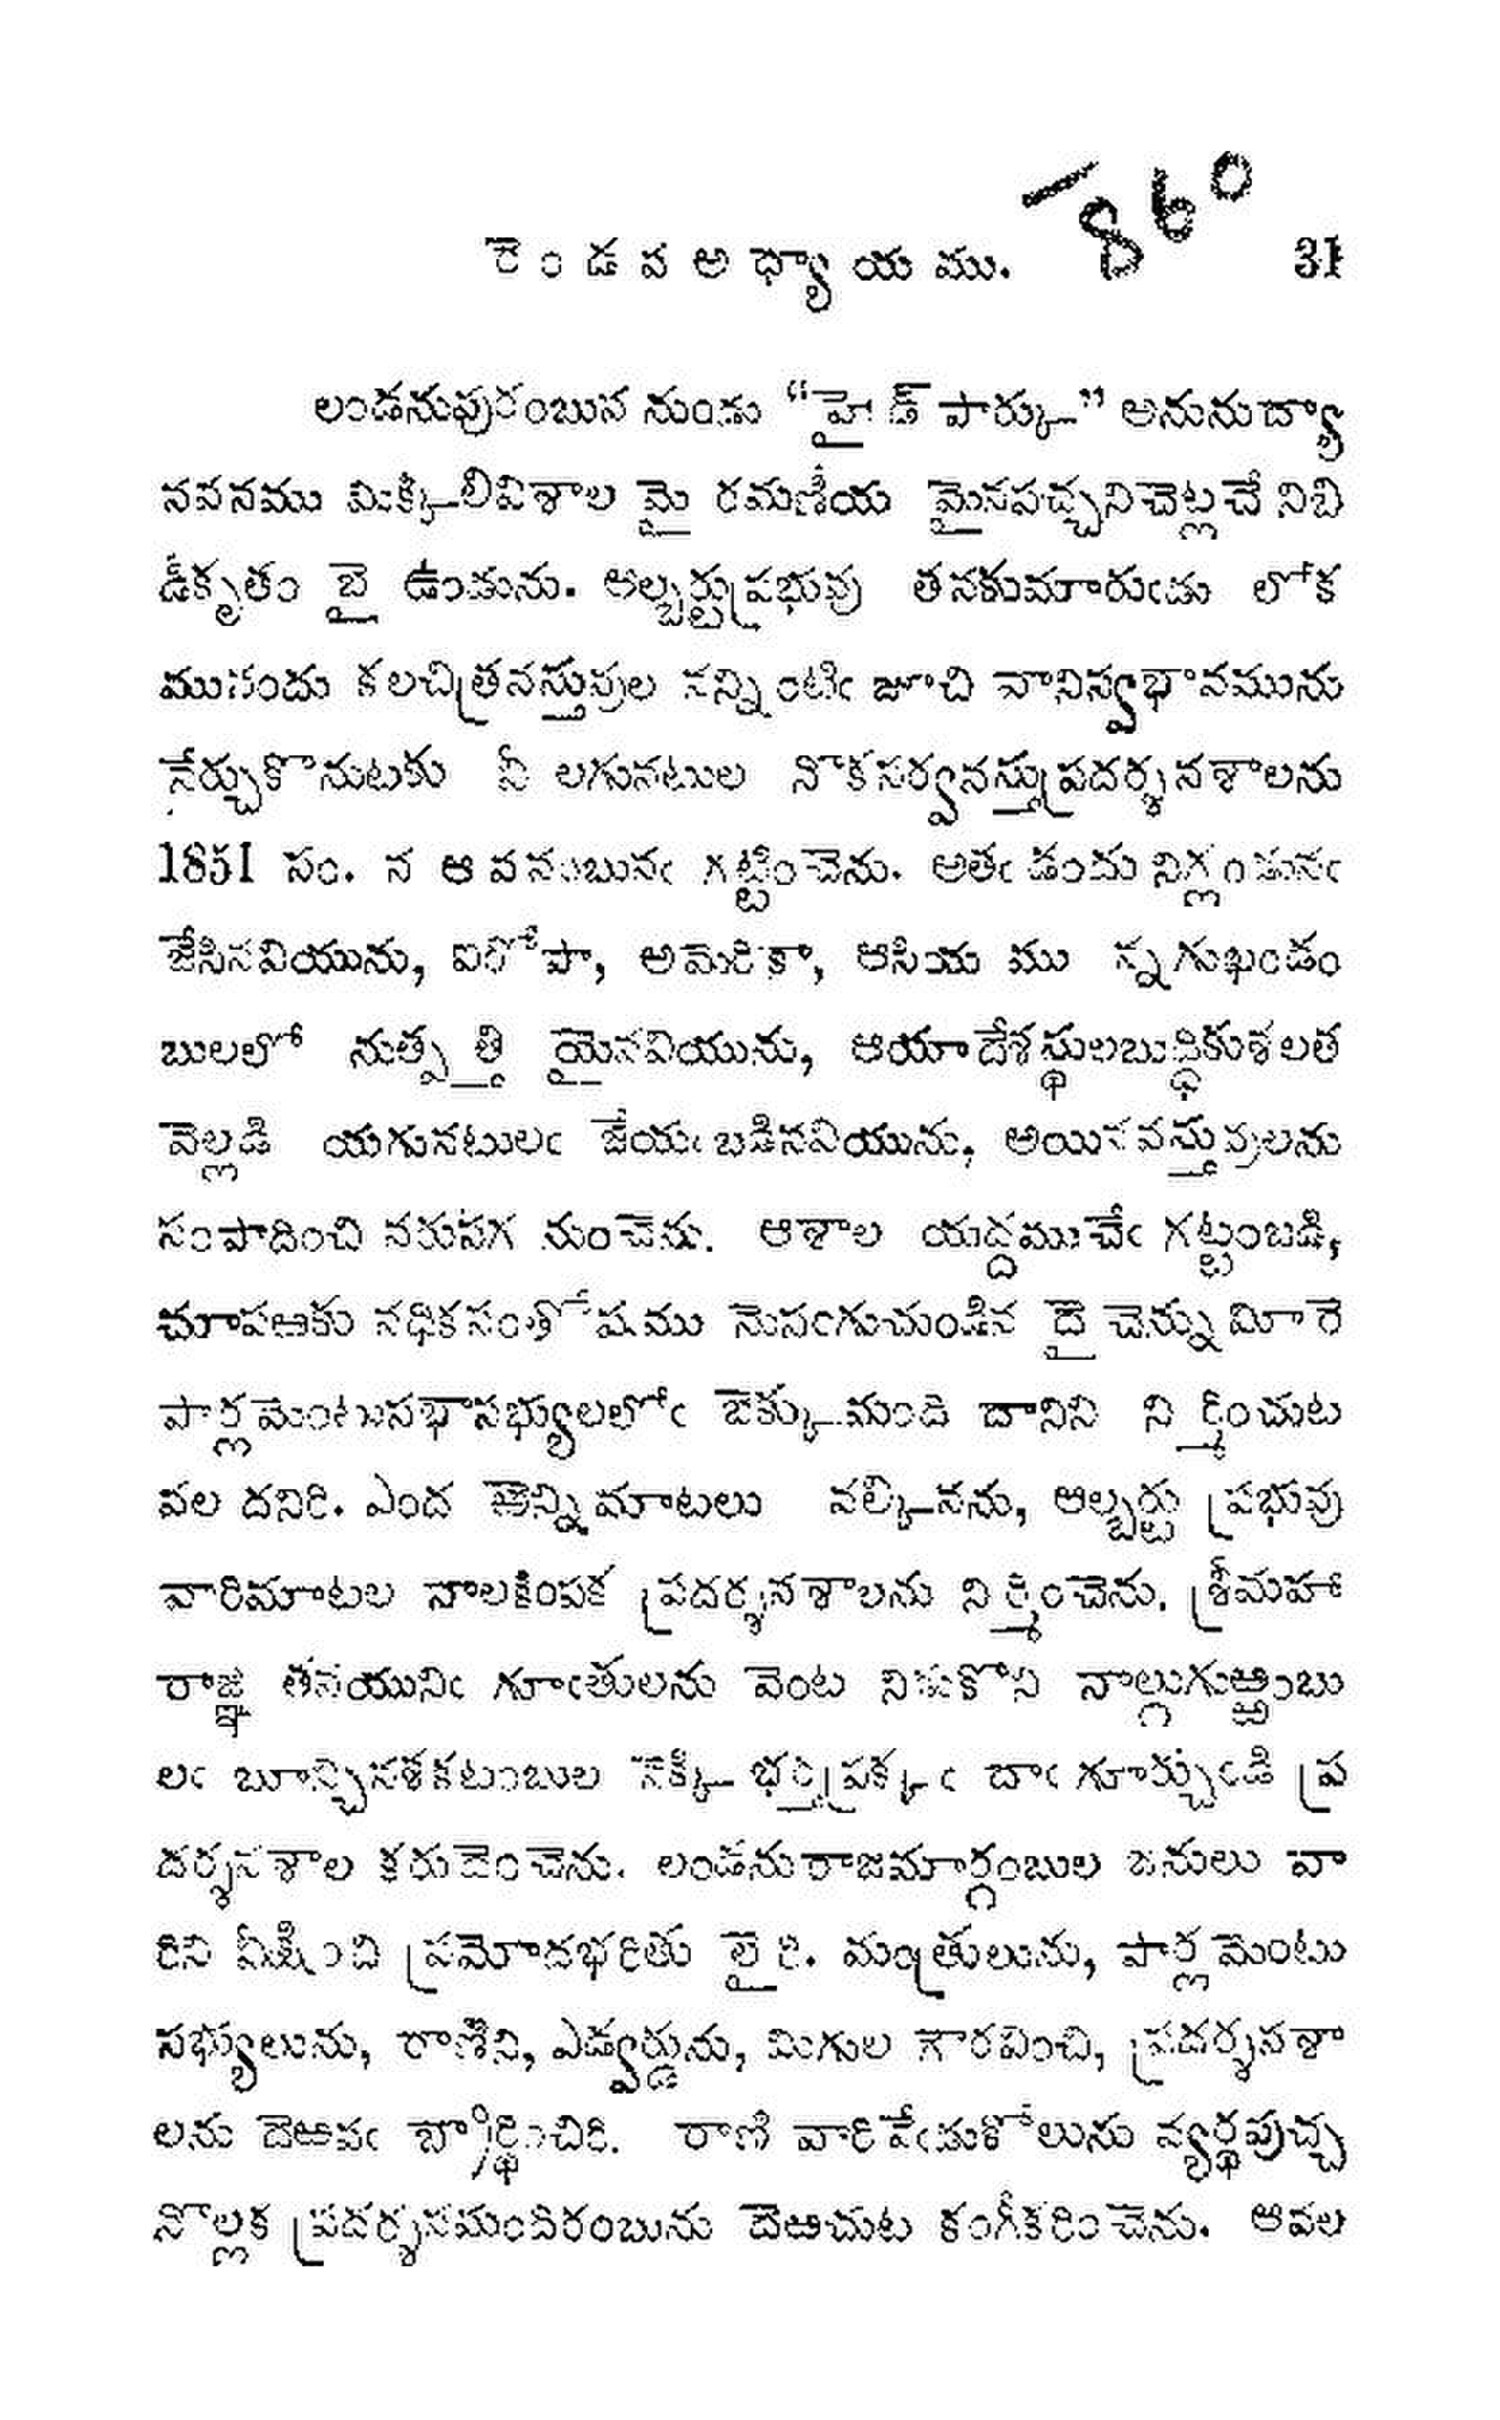లండను పురంబున నుండు "సైడ్ పార్కు" అనునుద్యానవనము మిక్కిలివిశాల మై రమణీయ మైన పచ్చని చెట్లచే నిబిడీకృతం బై ఉండును. ఆల్బర్టు ప్రభువు తనకుమారుఁడు లోక
మునందు కలచిత్ర నస్తువుల సన్నింటిఁ జూచి వానిస్వభానమునునేర్చుకొనుటకు నీ లగునటుల నొక సర్వవస్తు ప్రదర్శనశాలను1851 సం. న ఆ వనం బునఁ గట్టించెను. అతఁ డందు నింగ్లండున
జేసినవియును, ఐరోపా, అమెరికా, ఆసియా మున్నగుఖండంబులలో నుత్పత్తి యైనవియును, ఆయాదేశస్థులబుద్ధికుశలతవెల్లడి యగునటులఁ జేయ బడిననియును, అయిన వస్తువులను
సంపాదించి వరుసగ నుంచెను. ఆశాల యద్దము చేఁ గట్టంబడి,చూచుటకు నధిక సంతోషము ఒసంగుచుండిన దై చెన్ను మీరె పార్లమెంటు సభాసభ్యులలోఁ బెక్కు మందే దానిని నిర్మించుట
వల దనిరి. ఎందరెన్ని మాటలు పల్కినను, ఆల్బర్టు ప్రభువువారిమాటల నాలకింపక ప్రదర్శన శాలను నిర్మించెను. శ్రీమహారాష్ట్ర తనయునిఁ గూఁతులను వెంట నిడుకోని నాల్గు గుఱ్ఱబు
లఁ బూన్చినశకటంబుల నెక్కి భర్త ప్రక్క ఁ దాఁ గూర్చుండి ప్రదర్శన శాల కరుదెంచెను. లండను రాజమార్గంబుల జనులు వారిని వీక్షించి ప్రమోదభరితు లైరి. మంత్రులును, పార్లమెంటు
సభ్యులును, రాణిని, ఎడ్వర్డును, మిగుల గౌరవించి, ప్రదర్శనశాలను దెఱపఁప్రార్థించిరి. రాణి వారి వేఁకోళ్లును వ్యర్థపుచ్చనొల్లక ప్రదర్శన మందిరంబును దెఱచుట కంగీక రించెను. ఆవల